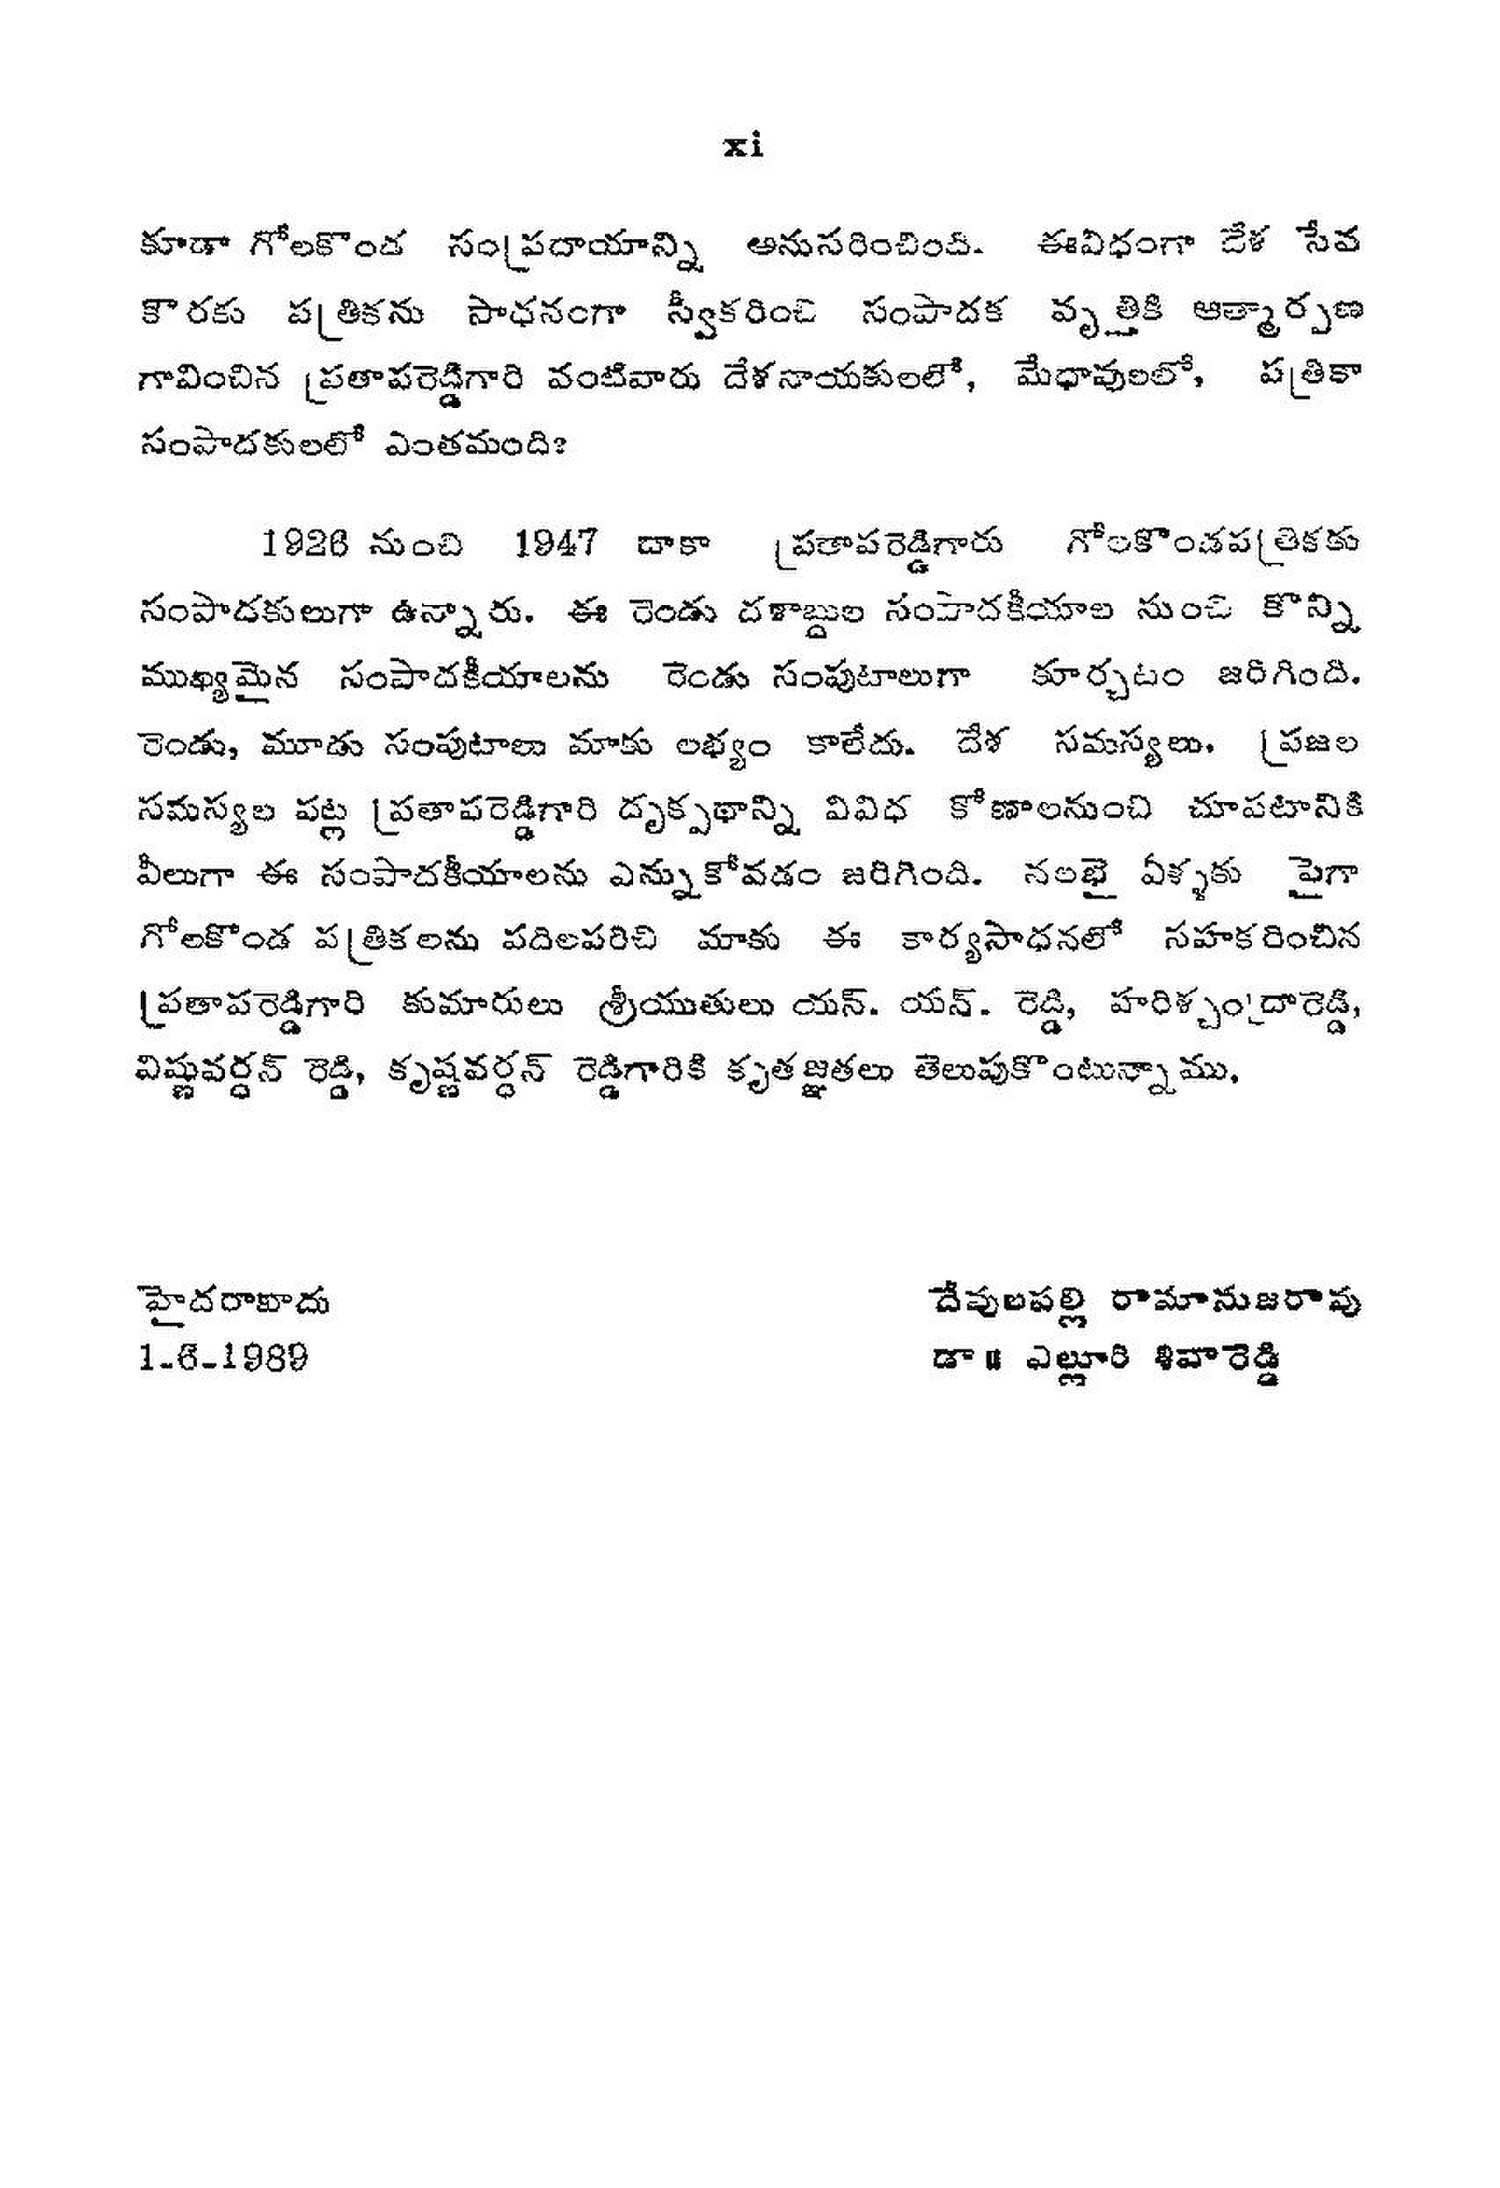కూడా గోలకొండ సంప్రదాయాన్ని అనుసరించింది. ఈవిధంగా దేశ సేవ కొరకు పత్రికను సాధనంగా స్వీకరించి సంపాదక వృత్తికి ఆత్మార్పణ గావించిన ప్రతాపరెడ్డిగారి వంటివారు దేశనాయకులలో, మేధావులలో, పత్రికా
సంపాదకులలో ఎంతమంది?

1926 నుంచి 1947 దాకా ప్రతాపరెడ్డిగారు గోలకొండపత్రికకు సంపాదకులుగా ఉన్నారు. ఈ రెండు దశాబ్దుల సంపాదకీయాల నుంచి కొన్ని ముఖ్యమైన సంపాదకీయాలను రెండు సంపుటాలుగా కూర్చటం జరిగింది. రెండు, మూడు సంపుటాలు మాకు లభ్యం కాలేదు. దేశ సమస్యలు. ప్రజల సమస్యల పట్ల ప్రతాపరెడ్డిగారి దృక్పథాన్ని వివిధ కోణాలనుంచి చూపటానికి వీలుగా ఈ సంపాదకీయాలను ఎన్నుకోవడం జరిగింది. నలభై ఏళ్ళకు పైగా గోలకొండ పత్రికలను పదిలపరిచి మాకు ఈ కార్యసాధనలో సహకరించిన ప్రతాపరెడ్డిగారి కుమారులు శ్రీయుతులు యన్. యన్. రెడ్డి, హరిశ్చంద్రారెడ్డి, విష్ణువర్ధన్ రెడ్డి, కృష్ణవర్ధన్ రెడ్డిగారికి కృతజ్ఞతలు తెలుపుకొంటున్నాము.